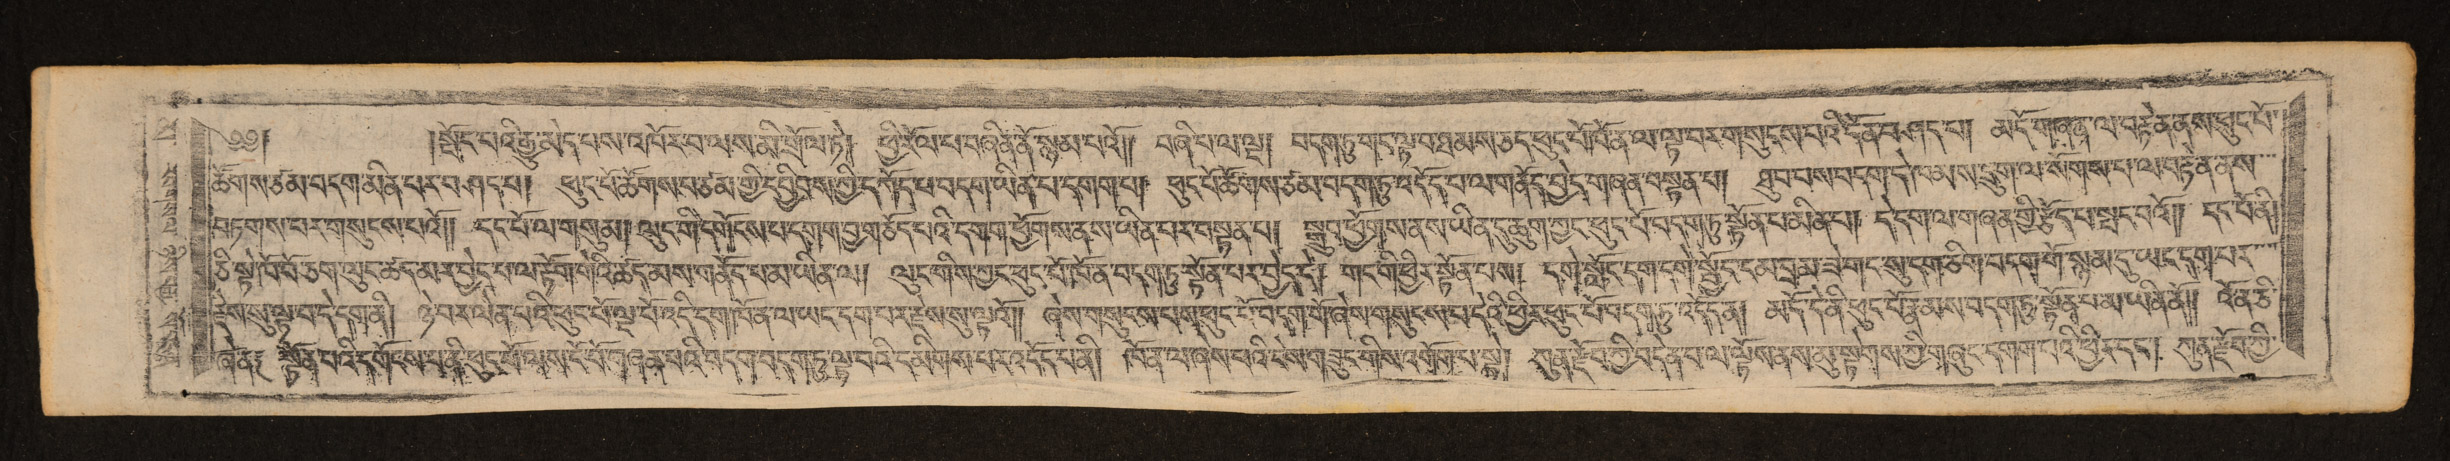༄༅། །སྤོང་བའི་རྒྱུ་མེད་པས་འཁོར་བ་ལས་མི་གྲོལ་ཏེ། ཕྱི་རོལ་པ་བཞིན་ནོ་སྙམ་པའོ།། བཞི་པ་ལ་ལྔ། བདག་ཏུ་གང་ལྟ་བ་ཐམས་ཅད་ཕུང་པོ་ཁོ་ན་ལ་ལྟ་པར་གསུངས་པའི་དོན་བཤད་པ། མདོ་གཞན་ལ་བརྟེན་ནས་ཕུང་པོ་
ཚོགས་ཙམ་བདག་མིན་པར་བཤད་པ། ཕུང་པོ་ཚོགས་པ་ཙམ་གྱི་དབྱིབས་ཀྱི་དཀོད་པ་བདག་ཡིན་པ་དགག་པ། ཕུང་པོ་ཚོགས་ཙམ་བདག་ཏུ་འདོད་པ་ལ་གནོད་བྱེད་གཞན་བསྟན་པ། ཐུབ་པས་བདག་དེ་ཁམས་དྲུག་ལ་སོགས་པ་ལ་བརྟེན་ནས་
བཏགས་པར་གསུངས་པའོ།། དང་པོ་ལ་གསུམ། ལུང་གི་དགོངས་པ་དགག་བྱ་གཅོད་པའི་དགག་ཕྱོགས་ནས་ཡིན་པར་བསྟན་པ། སྒྲུབ་ཕྱོགས་ནས་ཡིན་དུ་ཆུག་ཀྱང་ཕུང་པོ་བདག་ཏུ་སྟོན་པ་མིན་པ། དེ་དག་ལ་གཞན་གྱི་རྩོད་པ་སྤང་བའོ།། དང་པོ་ནི།
ཅི་སྟེ་ཁོ་བོ་ཅག་ལུང་ཚད་མར་བྱེད་པ་ལ་རྟོག་གེའི་ཚད་མས་གནད་པ་མ་ཡིན་ལ། ལུང་གིས་ཀྱང་ཕུང་པོ་ཁོ་ན་བདག་ཏུ་སྟོན་པར་བྱེད་དེ། གང་གི་ཕྱིར་སྟོན་པས། དགེ་སློང་དག་དགེ་སྦྱོང་ངམ་བྲམ་ཟེ་གང་སུ་དག་ཅིག་བདག་གོ་སྙམ་དུ་ཡང་དག་པར་
རྗེས་སུ་ལྟ་བ་དེ་དག་ནི། ཉེ་བར་ལེན་པའི་ཕུང་པོ་ལྔ་པོ་འདི་དག་ཁོ་ན་ལ་ཡང་དག་པར་རྗེས་སུ་ལྟའོ།། ཞེས་གསུངས་པས་ཕུང་པོ་བདག་གོ་ཞེས་གསུངས་པ་དེའི་ཕྱིར་ཕུང་པོ་བདག་ཏུ་འདོད་ན། མདོ་དེ་ནི་ཕུང་པོ་རྣམས་བདག་ཏུ་སྟོན་པ་མ་ཡིན་ནོ།། འོ་ན་ཅི་
ཞེ་ན༑ སྟོན་པའི་དགོངས་པ་ནི་ཕུང་པོ་ལས་ངོ་བོ་གཞན་པའི་བདག་བདག་ཏུ་ལྟ་བའི་དམིགས་པར་འདོད་པ་ནི། ཁོ་ན་ལ་ཞེས་པའི་ངེས་གཟུང་གིས་འགོག་པ་སྟེ། ཀུན་རྫོབ་ཀྱི་བདེན་པ་ལ་ལྟོས་ནས་མུ་སྟེགས་ཀྱི་གཞུང་དགག་པའི་ཕྱིར་དང་། ཀུན་རྫོབ་ཀྱི་